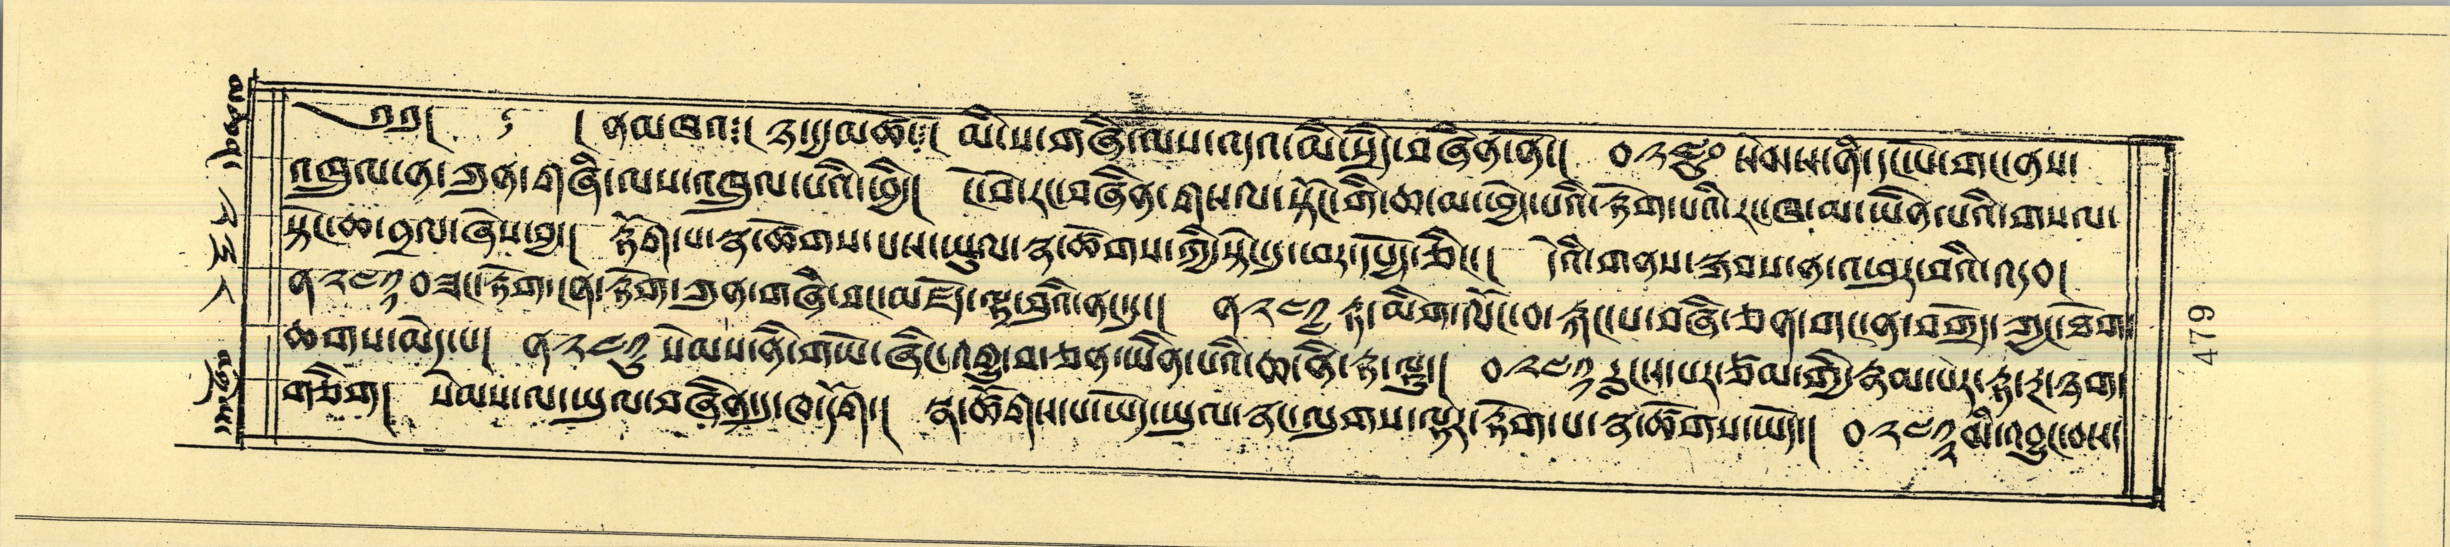ནམ་མཁའ། ཉ་རྒྱ་མཚོར། མི་ས་གཞི་ལས་འདའ་མི་སྲིད་བཞིན་ནོ། བ༢༤༠།༦༼སེམས་ནི༽དང་པོ་གང་ནས་
འཁྲུལ་ན་ཀུན་༼གཞི༽ལས་འཁྲུལ་པའི་ཕྱི་ངོ་བོ་རང་བཞིན་༼གསལ་སྟོང་༽གི་ཆ་མ་ཕྱེད་པའི་རྟོག་པའི་རང་ཁ་མ་ཡིན་པའི་གསལ་
སྟོང་ཆ་བྲལ་ཞེས་བྱ། ༼རྟོག་པ༽སྣ་ཚོགས་པས་ཡུལ་སྣ་ཚོགས་ཀྱི་སྟེང་དུ་ཕར་༼དཔྱོད༽ཅིང་དེའི་གནས་སྐབས་ན་འཕུར་བའི་༼འདབ༽
ན༢༤༡།༡༼བཟང༽རྟོག་༼ངན༽རྟོག་ཀུན་གཞི་བང་མཛོད་ལྟ་བུ་ནང་དུ་ན༢༤༡།༤རྟ་མིག་ལོང་བ་༼རྐང་པ༽བཞི་ཅན་གང་ན་བགྲོད་ཀྱང་ཐོགས་
ཆགས་མེད་པ་ན༢༤༡།༦ སེམས་ནི་གཡོ་ཞིང་འགྱུ་བ་ཅན་ཡིན་པའི་ཆ་ནས་རྟ་ལྟ་བུ་བ༢༤༡།༡ རླངས་པར་ཙམ་གྱི་རྣམ་པར་རྟ་རྔ་ཉག་
གཅིག་སེམས་ལ་ཡུལ་བཞིན་དུ་༼ཁ་དོག༽༼སྣ་ཚོགས་པ༽ཡོད་ཡུལ་སྣང་ལུགས་ལྟར་རྟོག་པ་སྣ་ཚོགས་ཡོད། བ༢༤༡།༢༼མི་འབྱུང་བས༽